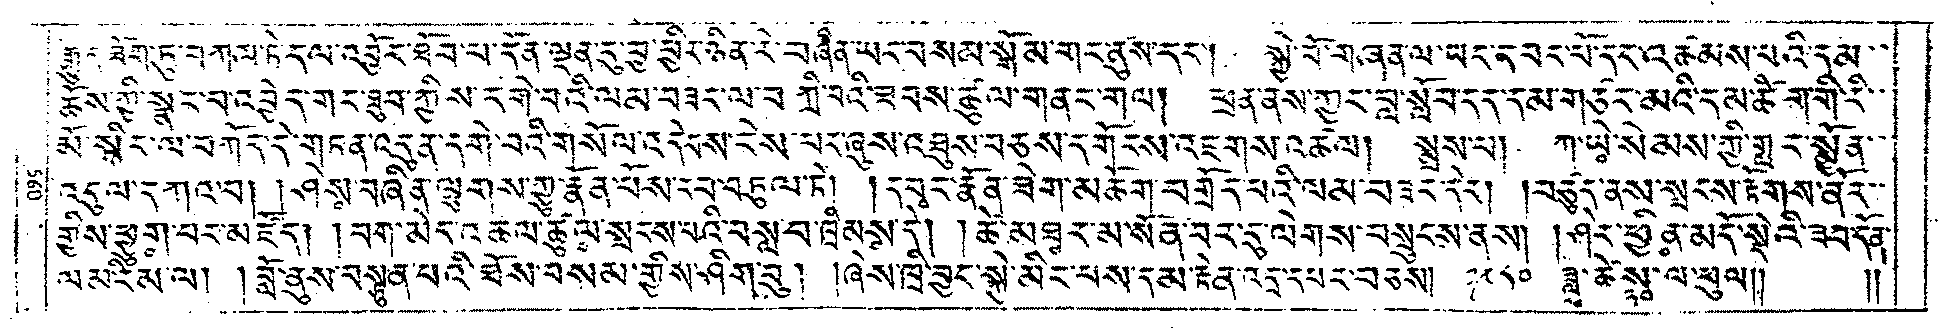རྒྱུད་ཐོག་ཏུ་བཀལ་ཏེ་དལ་འབྱོར་ཐོབ་པ་དོན་ལྡན་དུ་བྱ་ཕྱིར་ཉིན་རེ་བཞིན་ཡང་བསམ་སྒོམ་གང་ནུས་དང་། སྐྱེ་བོ་གཞན་ལ་ཡང་དབང་པོ་དང་འཚམས་པའི་དམ་
ཆོས་ཀྱི་སྣང་བ་འབྱེད་གང་ཐུབ་ཀྱིས་དགེ་བའི་ལམ་བཟང་ལ་བཀྲི་བའི་ཐབས་ཚུལ་གནང་གལ། ཕྲན་ནས་ཀྱང་བླ་སློབ་དད་དམ་གཙང་མའི་དམ་ཚིག་གི་རི་
མོ་སྙིང་ལ་བཀོད་དེ་གཏན་འདུན་དགེ་བའི་གསོལ་འདེབས་ངེས་པར་ཞུས་འཐུས་བཅས་དགོངས་འཇགས་འཚལ། སྨྲས་པ། ཀ་ཡེ྾་སེམས་ཀྱི་གླང་སྨྱོན་
འདུལ་དཀའ་བ། །ཤེས྾་བཞིན་ལྕགས་ཀྱུ་རྣོན་པོས་རབ་བཏུལ་ཏེ། །དབང྾་རྣོན་ཐེག་མཆོག་བགྲོད་པའི་ལམ་བཟང་དེར། །བཙུད་ནས་སྤངས་རྟོགས་ནོར་
གྱིས་ཕྱུག྾་པར་མཛོད། །བག་མེད་འཚལ་ཚུལ྾་སྤངས་པའི་བསླབ་ཁྲིམས྾་དེ྾། །ཚེ་མཐར྾་མ་སོན་བར་དུ་ལེགས་བསྲུངས་ནས། །ཤེར་ཕྱིན྾་མདོ་སྡེའི་ཟབ་དོན་
ལམ་རིམ་ལ། །བློ་ནུས་བསྟུན་པའི་ཐོས་བསམ་གྱིས་ཤིག་བུ། །ཞེས་ཁྲི་བྱང་སྐྱེ་མིང་པས་དམ་རྟེན་འདྲ་དཔར་བཅས། ༡༩༨༠་ཟླ ༡༠་ཚེས ༢༠་ལ་ཕུལ།། །།